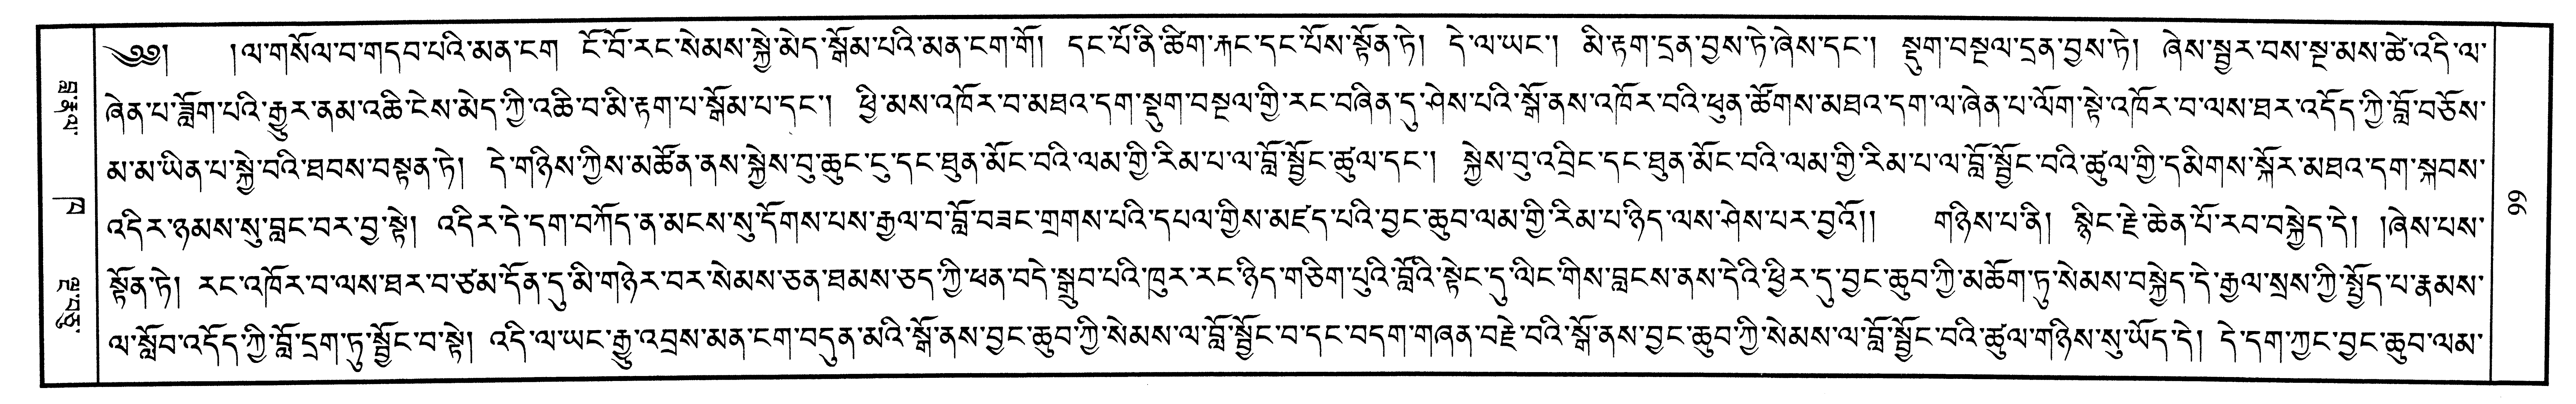༄༅། །ལ་གསོལ་བ་གདབ་པའི་མན་ངག །ངོ་བོ་རང་སེམས་སྐྱེ་མེད་སྒོམ་པའི་མན་ངག་གོ། དང་པོ་ནི་ཚིག་རྐང་དང་པོས་སྟོན་ཏེ། དེ་ལ་ཡང་། མི་རྟག་དྲན་བྱས་ཏེ་ཞེས་དང་། སྡུག་བསྔལ་དྲན་བྱས་ཏེ། ཞེས་སྦྱར་བས་སྔ་མས་ཚེ་འདི་ལ་
ཞེན་པ་ཟློག་པའི་རྒྱུར་ནམ་འཆི་ངེས་མེད་ཀྱི་འཆི་བ་མི་རྟག་པ་སྒོམ་པ་དང་། ཕྱི་མས་འཁོར་བ་མཐའ་དག་སྡུག་བསྔལ་གྱི་རང་བཞིན་དུ་ཤེས་པའི་སྒོ་ནས་འཁོར་བའི་ཕུན་ཚོགས་མཐའ་དག་ལ་ཞེན་པ་ལོག་སྟེ་འཁོར་བ་ལས་ཐར་འདོད་ཀྱི་བློ་བཅོས་
མ་མ་ཡིན་པ་སྐྱེ་བའི་ཐབས་བསྟན་ཏེ། དེ་གཉིས་ཀྱིས་མཚོན་ནས་སྐྱེས་བུ་ཆུང་ངུ་དང་ཐུན་མོང་བའི་ལམ་གྱི་རིམ་པ་ལ་བློ་སྦྱོང་ཚུལ་དང་། སྐྱེས་བུ་འབྲིང་དང་ཐུན་མོང་བའི་ལམ་གྱི་རིམ་པ་ལ་བློ་སྦྱོང་བའི་ཚུལ་གྱི་དམིགས་སྐོར་མཐའ་དག་སྐབས་
འདིར་ཉམས་སུ་བླང་བར་བྱ་སྟེ། འདིར་དེ་དག་བཀོད་ན་མངས་སུ་དོགས་པས་རྒྱལ་བ་བློ་བཟང་གྲགས་པའི་དཔལ་གྱིས་མཛད་པའི་བྱང་ཆུབ་ལམ་གྱི་རིམ་པ་ཉིད་ལས་ཤེས་པར་བྱའོ།། གཉིས་པ་ནི། སྙིང་རྗེ་ཆེན་པོ་རབ་བསྐྱེད་དེ། །ཞེས་པས་
སྟོན་ཏེ། རང་འཁོར་བ་ལས་ཐར་བ་ཙམ་དོན་དུ་མི་གཉེར་བར་སེམས་ཅན་ཐམས་ཅད་ཀྱི་ཕན་བདེ་སྒྲུབ་པའི་ཁུར་རང་ཉིད་གཅིག་པུའི་བློའི་སྟེང་དུ་ལིང་གིས་བླངས་ནས་དེའི་ཕྱིར་དུ་བྱང་ཆུབ་ཀྱི་མཆོག་ཏུ་སེམས་བསྐྱེད་དེ་རྒྱལ་སྲས་ཀྱི་སྤྱོད་པ་རྣམས་
ལ་སློབ་འདོད་ཀྱི་བློ་དྲག་ཏུ་སྦྱོང་བ་སྟེ། འདི་ལ་ཡང་རྒྱུ་འབྲས་མན་ངག་བདུན་མའི་སྒོ་ནས་བྱང་ཆུབ་ཀྱི་སེམས་ལ་བློ་སྦྱོང་བ་དང་བདག་གཞན་བརྗེ་བའི་སྒོ་ནས་བྱང་ཆུབ་ཀྱི་སེམས་ལ་བློ་སྦྱོང་བའི་ཚུལ་གཉིས་སུ་ཡོད་དེ། དེ་དག་ཀྱང་བྱང་ཆུབ་ལམ་